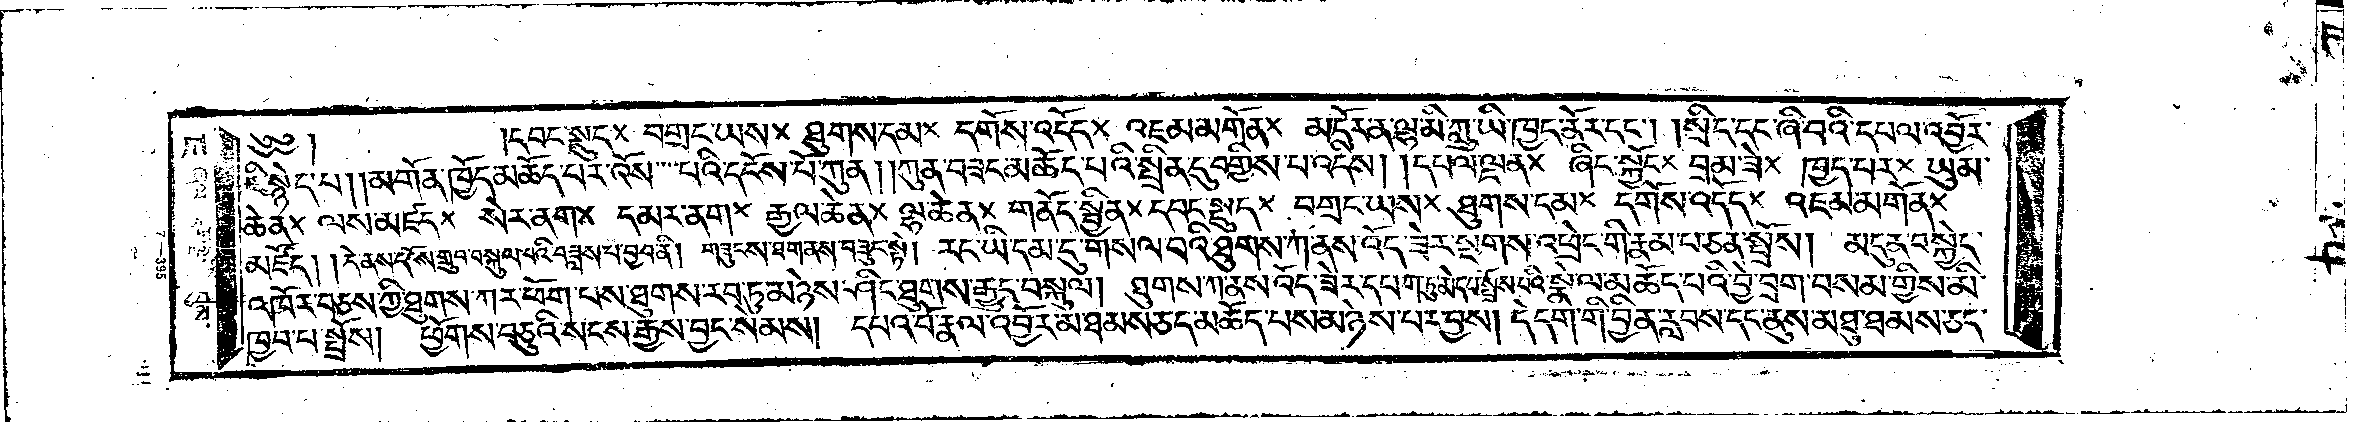༄༅། །དབང་སྡུད་྾་བགྲང་ཡས་྾་ཐུགས་དམ་྾་དགོས་འདོད་྾་འཇམ་མགོན་྾་མདོར་ན་ལྷ་མི་ཀླུ་ཡི་ཁྱད་ནོར་དང་། །སྲིད་དང་ཞི་བའི་དཔལ་འབྱོར་
ཇི་སྙེད་པ། །མགོན་ཁྱོད་མཆོད་པར་འོས་པའི་དངོས་པོ་ཀུན། །ཀུན་བཟང་མཆོད་པའི་སྤྲིན་དུ་བགྱིས་པ་འདིས། །དཔལ་ལྡན་྾་ཞིང་སྐྱོང་྾་བྲམ་ཟེ་྾་ཁྱད་པར་྾་ཡུམ་
ཆེན་྾་ལས་མཛད་྾་སེར་ནག་྾་དམར་ནག་྾་རྒྱལ་ཆེན་྾་ལྷ་ཆེན་྾་གནོད་སྦྱིན་྾་དབང་སྡུད་྾་བགྲང་ཡས་྾་ཐུགས་དམ་྾་དགོས་འདོད་྾་འཇམ་མགོན་྾་
མཛོད། །དེ་ནས་དངོས་གྲུབ་བསྐུལ་བའི་བཟླས་པ་བྱ་བ་ནི། གཟུངས་ཐག་ནས་བཟུང་སྟེ།  རང་ཡི་དམ་དུ་གསལ་བའི་ཐུགས་ཀ་ནས་འོད་ཟེར་སྔགས་འཕྲེང་གི་རྣམ་པ་ཅན་སྤྲོས། །མཛུན་བསྐྱེད་འཁོར་
བཅས་ཀྱི་ཐུགས་ཀར་པོག་པས་ཐུགས་རབ་ཏུ་མཉེས་ཤིང་ཐུགས་རྒྱུད་བསྐུལ། ཐུགས་ཀ་ནས་འོད་ཟེར་དཔག་ཏུ་མེད་པ་སྤྲོས་པའི་སྣེ་ལ་མཆོད་པའི་བྱེ་བྲག་བསམ་གྱིས་མི་
ཁྱབ་པ་སྤྲོས། ཕྱོགས་བཅུའི་སངས་རྒྱས་བྱང་སེམས། དཔའ་བོ་རྣལ་འབྱོར་མ་ཐམས་ཅད་མཆོད་པས་མཉེས་པར་བྱས། དེ་དག་གི་བྱིན་རླབས་དང་ནུས་མཐུ་ཐམས་ཅད་